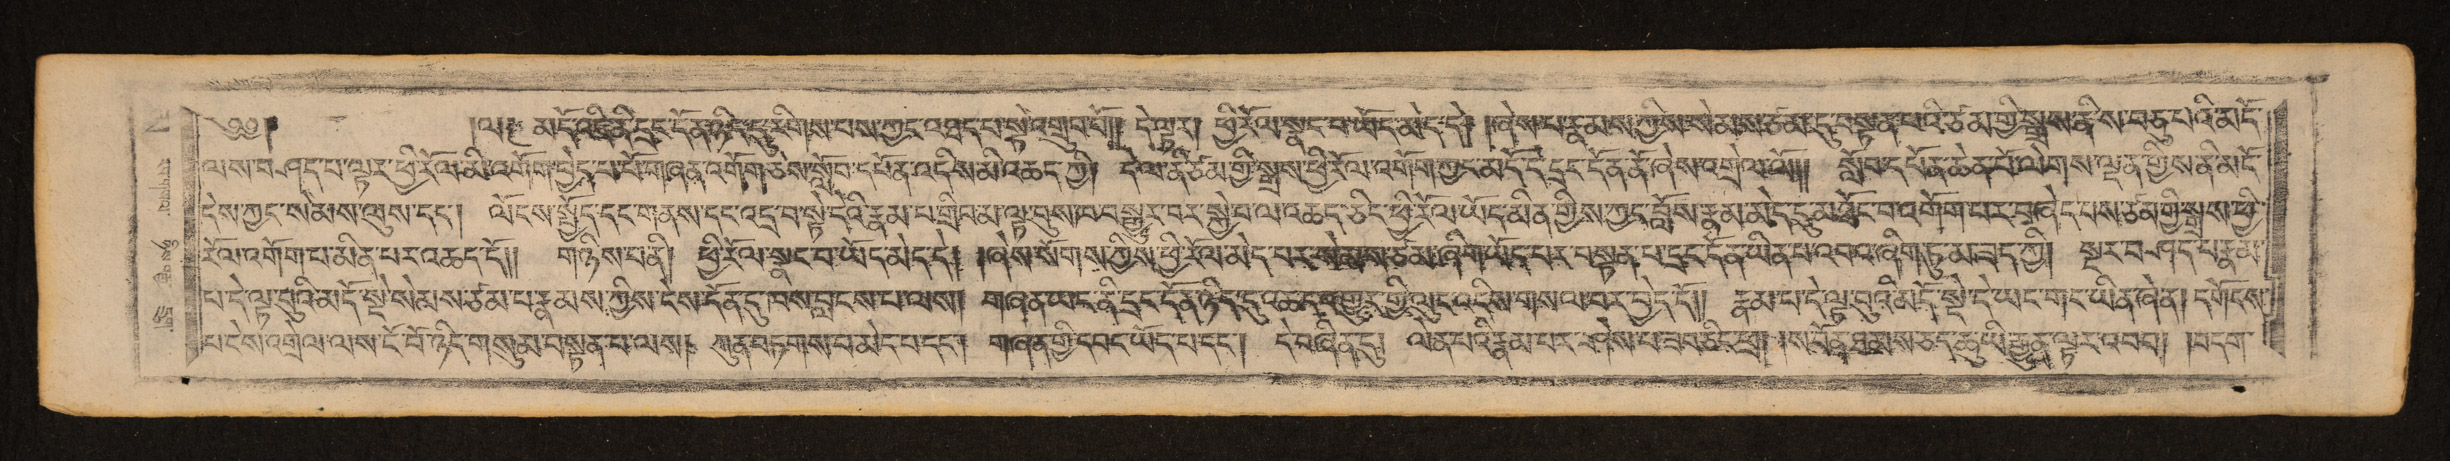༄༅། །ལ༑ མདོ་འདི་ནི་དྲང་དོན་ཉིད་དུ་རིགས་པས་ཀྱང་འཐད་པ་སྟེ་འགྲུབ་བོ།། དེ་ལྟར་ཕྱི་རོལ་སྣང་བ་ཡོད་མེད་དོ། །ཞེས་པ་རྣམས་ཀྱིས་སེམས་ཙམ་དུ་བསྟན་པའི་ཙམ་གྱི་སྒྲས་ནི་ས་བཅུ་པའི་མདོ་
ལས་བཤད་པ་ལྟར་ཕྱི་རོལ་མི་འགོག་བྱེད་པ་པོ་གཞན་འགོག་ཅེས་སློབ་དཔོན་འདིས་མི་འཆད་ཀྱི། དེ་ལ་ནི་ཙམ་གྱི་སྒྲས་ཕྱི་རོལ་འགོག་ཀྱང་མདོ་དེ་དྲང་དོན་ནོ་ཞེས་འགྲེལ་ལོ།། སློབ་དཔོན་ཆེན་པོ་ལེགས་ལྡན་གྱིས་ནི་མདོ་
དེས་ཀྱང་སེམས་ལུས་དང་། ལོངས་སྤྱོད་དང་གནས་དང་འདྲ་བ་སྟེ་དེའི་རྣམ་པ་གྲིབ་མ་ལྟ་བུས་ཁ་བསྒྱུར་བར་སྐྱེ་བ་ལ་འཆད་ཅིང་ཕྱི་རོལ་ཡོད་མིན་གྱིས་ཀྱང་བློས་རྣམ་མེད་དུ་མཐོང་བ་འགོག་པར་བཞེད་པས་ཙམ་གྱི་སྒྲས་ཕྱི་
རོལ་འགོག་པ་མིན་པར་འཆད་དོ།། གཉིས་པ་ནི། ཕྱི་རོལ་སྣང་བ་ཡོད་མེད་དེ། །ཞེས་སོགས་ཀྱིས་ཕྱི་རོལ་མེད་པར་སེམས་ཙམ་ཞིག་ཡོད་པར་བསྟན་པ་དྲང་དོན་ཡིན་པ་འབའ་ཞིག་ཏུ་མ་ཟད་ཀྱི། སྔར་བཤད་པ་རྣམ་
པ་དེ་ལྟ་བུའི་མདོ་སྡེ་སེམས་ཙམ་པ་རྣམས་ཀྱིས་ངེས་དོན་དུ་ཁས་བླངས་པ་ལས། གཞན་ཡང་ནི་དྲང་དོན་ཉིད་དུ་འཆད་འགྱུར་གྱི་ལུང་འདིས་གསལ་བར་བྱེད་དོ།། རྣམ་པ་དེ་ལྟ་བུའི་མདོ་སྡེ་དེ་ཡང་གང་ཡིན་ཞེ་ན། དགོངས་
པ་ངེས་འགྲེལ་ལས་ངོ་བོ་ཉིད་གསུམ་བསྟན་པ་ལས། ཀུན་བརྟགས་པ་མེད་པ་དང་། གཞན་གྱི་དབང་ཡོད་པ་དང་། དེ་བཞིན་དུ། ལེན་པའི་རྣམ་པར་ཤེས་པ་ཟབ་ཅིང་ཕྲ། །ས་བོན་ཐམས་ཅད་ཆུ་ཡི་རྒྱུན་ལྟར་འབབ། །བདག་